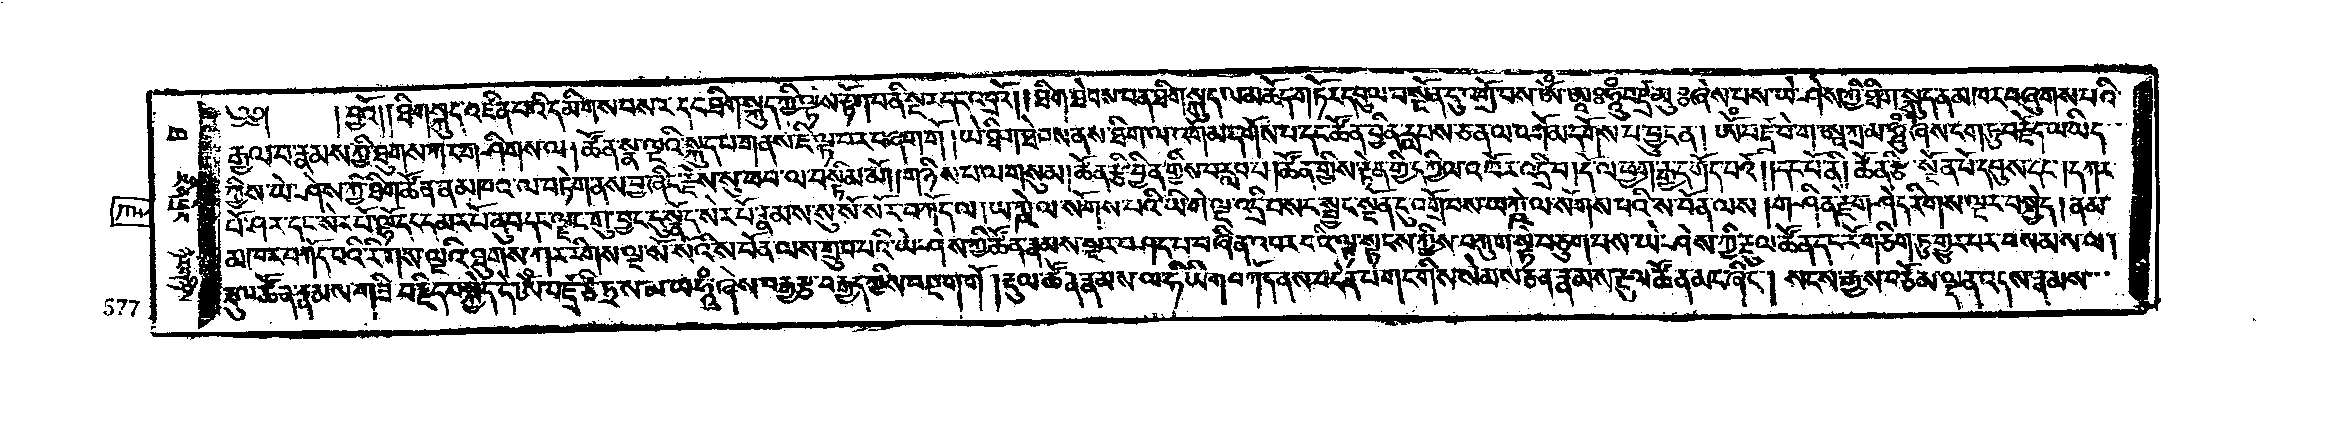༄༅། །བྱའོ། །ཐིག་སྐུད་འཛིན་པའི་དམིགས་བསལ་དང་ཐིག་སྐུད་ཀྱི་ལྟས་རྟོག་པ་ནི་སྔར་དང་འདྲའོ། །ཐིག་ཐེབས་པ་ན་ཐིག་སྐུད་ལ་མཆོད་གཏོར་དབུལ་བ་སྔོན་དུ་འགྲོ་བས་ཨོཾ་ཨཱཿ ཧཱུཾ་བཛྲ་མུཿ ཞེས་པས་ཡེ་ཤེས་ཀྱི་ཐིག་སྐུད་ནམ་མཁར་བཞུགས་པའི་
རྒྱལ་བ་རྣམས་ཀྱི་ཐུགས་ཀར་གཤེགས་ལ། ཚོན་སྣ་ལྔའི་སྐུད་པ་གནས་ཇི་ལྟ་བར་བཞག་གོ །ཡེ་ཐིག་ཐེབས་ནས་ཐིག་ལ་འགོམ་དགོས་པ་དང་ཚོན་བྱིན་རླབས་ཅན་ལ་འགོམ་དགོས་པ་བྱུང་ན། ཨོཾ་བཛྲ་བེ་ག་ཨཱ་ཀྲ་མ་ཧཱུཾ་ཞེས་ངག་ཏུ་བརྗོད་ལ་ཡིད་
ཀྱིས་ཡེ་ཤེས་ཀྱི་ཐིག་ཚོན་ནམ་མཁའ་ལ་བཏེག་ནས་བྱ་ཞིང་རྗེས་སུ་ཕབ་ལ་བསྟིམ་མོ། །གཉིས་པ་ལ་གསུམ། ཚོན་རྩི་བྱིན་གྱིས་བརླབ་པ། ཚོན་གྱིས་རྟེན་གྱི་དཀྱིལ་འཁོར་འབྲི་བ། དེ་ལ་ཕྱག་རྒྱ་དགོད་པའོ། །དང་པོ་ནི། ཚོན་རྩི་སྔོན་པོ་དབུས་དང་། དཀར་
པོ་ཤར་དང་སེར་པོ་ལྷོ་དང་དམར་པོ་ནུབ་དང་ལྗང་གུ་བྱང་དུ་སྣོད་སེར་པོ་རྣམས་སུ་སོ་སོར་བཀོད་ལ། ཡཀྵེ་ལ་སོགས་པའི་ཡི་ཡི་གེ་ལྔ་འདྲི་བསང་སྦྱང་སྔོན་དུ་འགྲོ་བས་ཡཀྵེ་ལ་སོགས་པའི་ས་བོན་ལས། གཤིན་རྗེ་གཤེད་རིགས་ལྔར་བསྐྱེད། ནམ་
མཁར་བཀོད་པའི་རིགས་ལྔའི་ཐུགས་ཀར་རིགས་ལྔ་སོ་སོའི་ས་བོན་ལས་གྲུབ་པའི་ཡེ་ཤེས་ཀྱི་ཚོན་རྣམས་སྔར་བཤད་པ་བཞིན་འབར་བའི་ལྟ་སྟངས་ཀྱིས་བཀུག་སྟེ་བཅུག་པས་ཡེ་ཤེས་ཀྱི་རྡུལ་ཚོན་དང་རོ་གཅིག་ཏུ་གྱུར་པར་བསམས་ལ།
རྡུལ་ཚོན་རྣམས་གཟི་བརྗིད་བསྐྱེད་དེ་ཨོཾ་བཛྲ་ཙི་ཏྲ་ས་མ་ཡ་ཧཱུཾ་ཞེས་བརྒྱ་རྩ་བརྒྱད་ཀྱིས་བསྔག་གོ །རྡུལ་ཚོན་རྣམས་ལ་ཧི་ཡིག་བཀོད་ནས་བདེན་པ་གང་གིས་སེམས་ཅན་རྣམས་རྡུལ་ཚོན་མང་ཞིང་། སངས་རྒྱས་བཅོམ་ལྡན་འདས་རྣམས་